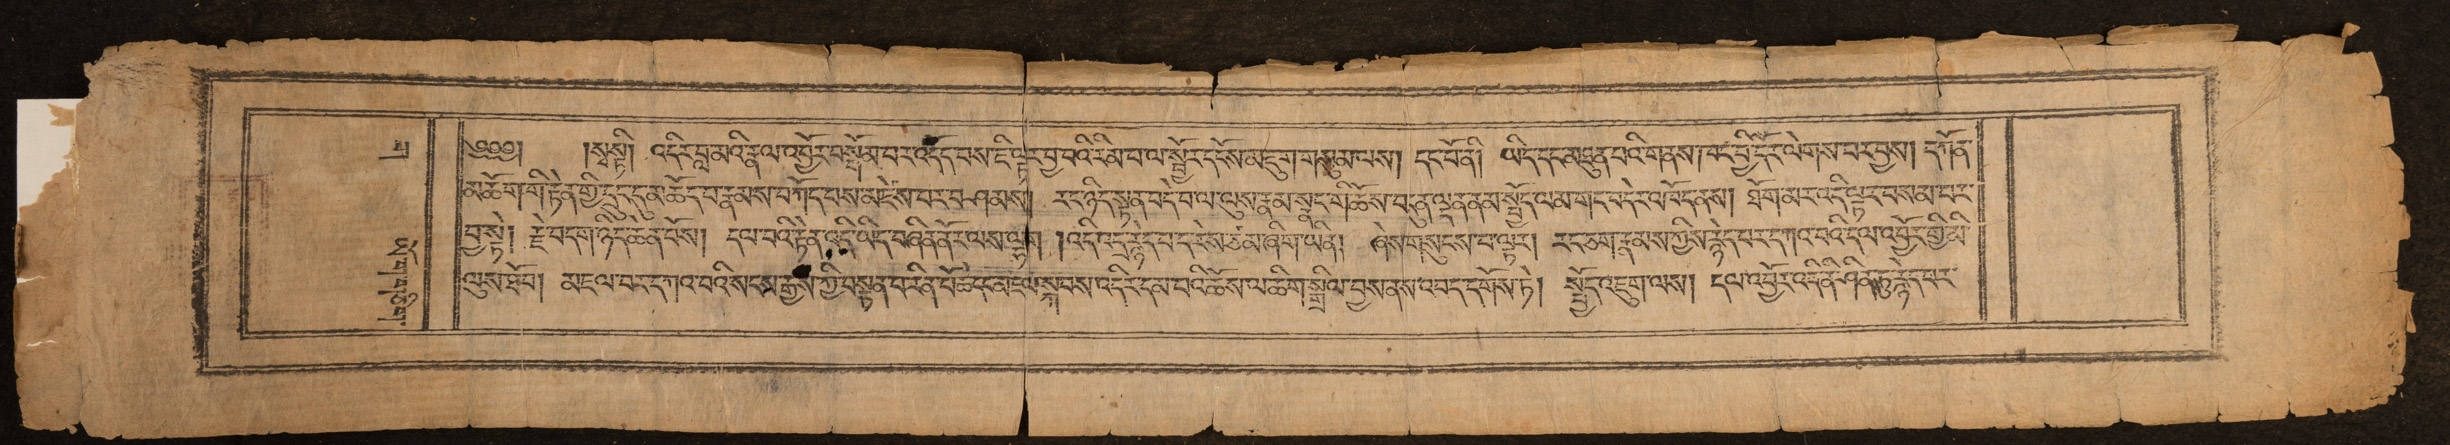༄༅༅། །སྭ་སྟི། འདིར་བླ་མའི་རྣལ་འབྱོར་བསྒོམ་པར་འདོད་པས་ཇི་ལྟར་བྱ་བའི་རིམ་པ་ལ་སྦྱོར་དངོས་མཇུག་གསུམ་ལས། དང་པོ་ནི། ཡིད་དང་མཐུན་པའི་གནས་ཁང་བྱི་དོར་ལེགས་པར་བྱས། དཀོན་
མཆོག་གི་རྟེན་གྱི་དྲུང་དུ་མཆོད་པ་རྣམས་བཀོད་པས་མཛེས་པར་བཤམས། རང་ཉིད་སྟན་བདེ་བ་ལ་ལུས་རྣམ་སྣང་གི་ཆོས་བདུན་ལྡན་ནམ་སྦྱོད་ལམ་གང་བདེར་འཁོད་ནས། ཐོག་མར་འདི་ལྟར་བསམ་པར་
བྱ་སྟེ། རྗེ་བདག་ཉིད་ཆེན་བོས། དལ་བའི་རྟེན་འདི་ཡིད་བཞིན་ནོར་ལས་ལྷག །འདི་འདྲ་རྙེད་པ་ད་རེས་ཙམ་ཞིག་ཡིན། ཞེས་གསུངས་པ་ལྟར། རང་ཅག་རྣམས་ཀྱིས་རྙེད་པར་དཀའ་བའི་དལ་འབྱོར་གྱི་མི་
ལུས་ཐོབ། མཇལ་བར་དཀའ་བའི་སངས་རྒྱས་ཀྱི་བསྟན་པ་རིན་པོ་ཆེ་དང་མཇལ་སྐབས་འདིར་དམ་པའི་ཆོས་ལ་ཆིག་སྒྲིལ་བྱས་ནས་འབད་དགོས་ཏེ། སྤྱོད་འཇུག་ལས། དལ་འབྱོར་འདི་ནི་ཤིན་ཏུ་རྙེད་པར་